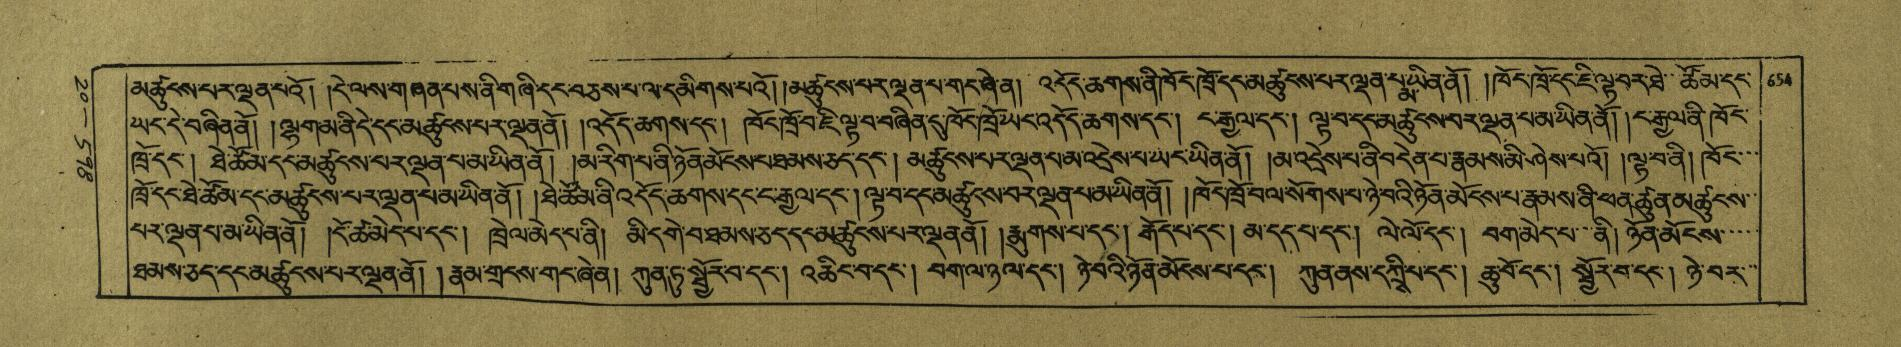མཚུངས་པར་ལྡན་པའོ། །དེ་ལས་གཞན་པས་ནི་གཞི་དང་བཅས་པ་ལ་དམིགས་པའོ། །མཚུངས་པར་ལྡན་པ་གང་ཞེ་ན། འདོད་ཆགས་ནི་ཁོང་ཁྲོ་དང་མཚུངས་པར་ལྡན་པ་མ་ཡིན་ནོ། །ཁོང་ཁྲོ་དང་ཇི་ལྟ་བར་ཐེ་ཚོམ་དང་
ཡང་དེ་བཞིན་ནོ། །ལྷག་མ་ནི་དེ་དང་མཚུངས་པར་ལྡན་ནོ། །འདོད་ཆགས་དང་། ཁོང་ཁྲོ་བ་ཇི་ལྟ་བ་བཞིན་དུ་ཁོང་ཁྲོ་ཡང་འདོད་ཆགས་དང་། ང་རྒྱལ་དང་། ལྟ་བ་དང་མཚུངས་པར་ལྡན་པ་མ་ཡིན་ནོ། །ང་རྒྱལ་ནི་ཁོང་
ཁྲོ་དང་། ཐེ་ཚོམ་དང་མཚུངས་པར་ལྡན་པ་མ་ཡིན་ནོ། །མ་རིག་པ་ནི་ཉོན་མོངས་པ་ཐམས་ཅད་དང་། མཚུངས་པར་ལྡན་པ་མ་འདྲེས་པ་ཡང་ཡིན་ནོ། །མ་འདྲེས་པ་ནི་བདེན་པ་རྣམས་མི་ཤེས་པའོ། །ལྟ་བ་ནི། ཁོང་
ཁོར་དང་ཧེ་ཚོམ་དང་མཚུངས་པར་ལྡན་པ་མ་ཡིན་ནོ། །ཐེ་ཚོམ་ནི་འདོད་ཆགས་དང་ང་རྒྱལ་དང་། ལྟ་བ་དང་མཚུངས་པར་ལྡན་པ་མ་ཡིན་ནོ། །ཁོང་ཁྲོ་བ་ལ་སོགས་པ་ཉེ་བའི་ཉོན་མོངས་པ་རྣམས་ནི་ཕན་ཚུན་མཚུངས་
པར་ལྡན་པ་མ་ཡིན་ནོ། །ངོ་ཚ་མེད་པ་དང་། ཁྲེལ་མེད་པ་ནི། མི་དགེ་བ་ཐམས་ཅད་དང་མཚུངས་པར་ལྡན་ནོ། །རྨུགས་པ་དང་། རྒོད་པ་དང་། མ་དད་པ་དང་། ལེ་ལོ་དང་། བག་མེད་པ་ནི། ཉོན་མོངས་
ཐམས་ཅད་དང་མཚུངས་པར་ལྡན་ནོ། །རྣམ་གྲངས་གང་ཞེ་ན། ཀུན་ཏུ་སྦྱོར་བ་དང་། འཆིང་བ་དང་། བག་ལ་ཉལ་དང་། ཉེ་བའི་ཉོན་མོངས་པ་དང་། ཀུན་ནས་དཀྲིས་པ་དང་། ཆུ་བོ་དང་། སྦྱོར་བ་དང་། ཉེ་བར་